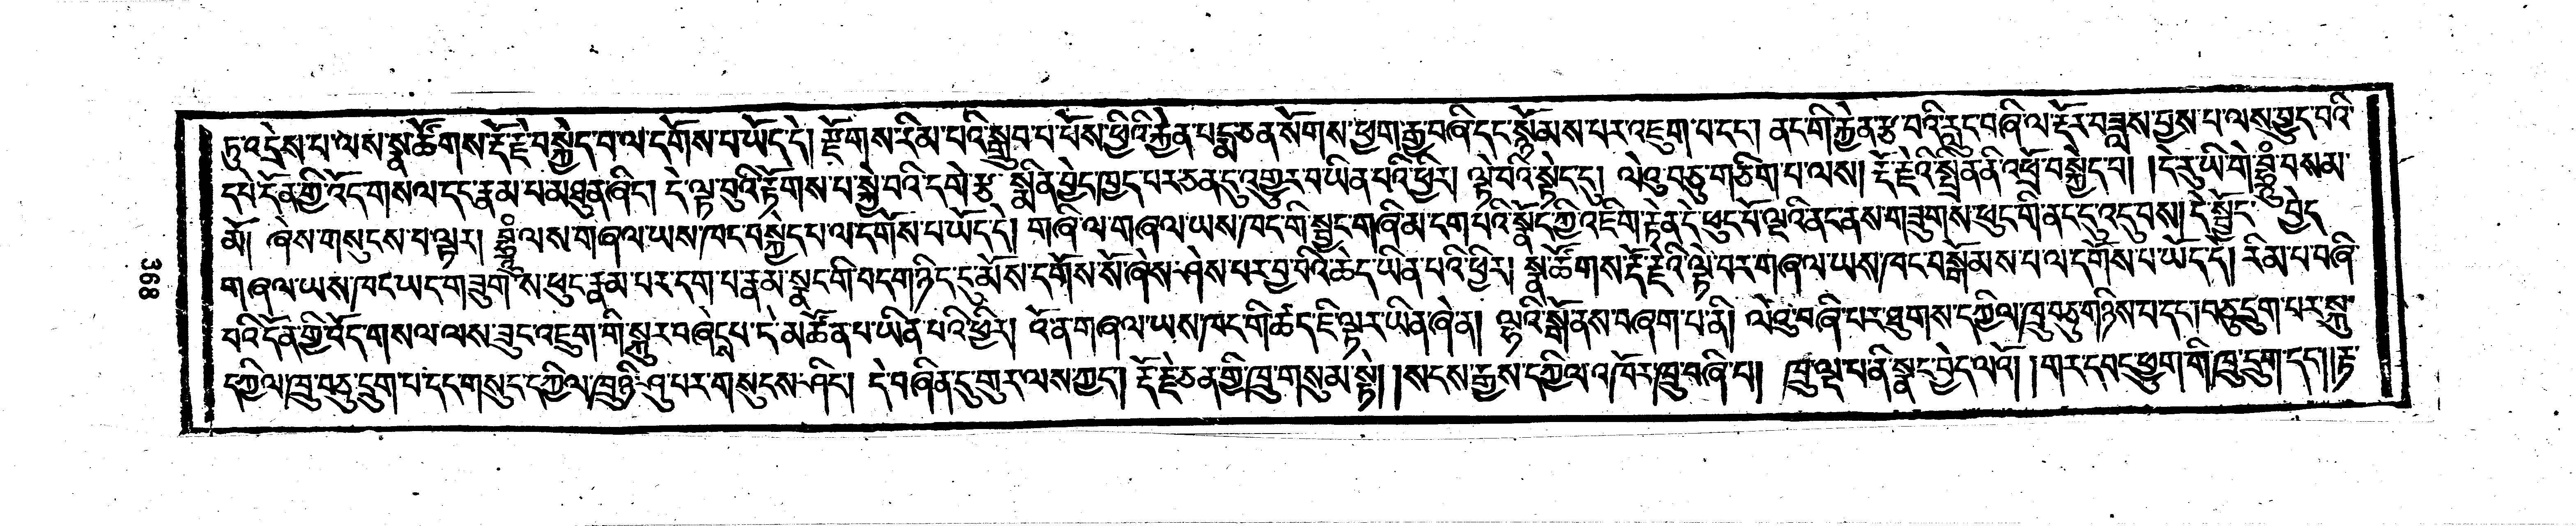ཏུ་འདྲེས་པ་ལས་སྣ་ཚོགས་རྡོ་རྗེ་བསྐྱེད་པ་ལ་དགོས་པ་ཡོད་དེ། རྫོགས་རིམ་པའི་སྒྲུབ་པ་པོས་ཕྱིའི་རྐྱེན་པདམ་ཅན་སོགས་ཕྱག་རྒྱ་བཞི་དང་སྙོམས་པར་འཇུག་པ་དང་། ནང་གི་རྐྱེན་རྩ་བའི་རླུང་བཞི་ལ་རྡོར་བཟླས་བྱས་པ་ལས་བྱུང་བའི་
དཔེ་དོན་གྱི་འོད་གསལ་དང་རྣམ་པ་མཐུན་ཞིང་། དེ་ལྟ་བུའི་རྟོགས་པ་སྐྱེ་བའི་དགེ་རྩ་སྨིན་བྱེད་ཁྱད་པར་ཅན་དུ་འགྱུར་བ་ཡིན་པའི་ཕྱིར། ལྟེ་བའི་སྟེང་དུ། ལེའུ་བཅུ་གཅིག་པ་ལས། རྡོ་རྗེའི་སྤྲིན་ནི་འཕྲོ་བསྐྱེད་པ། །དེ་རུ་ཡི་གེ་བྷྲཱུཾ་བསམ་
མོ༑ ཞེས་གསུངས་པ་ལྟར། བྷྲུཾ་ལས་གཞལ་ཡས་ཁང་བསྐྱེད་པ་ལ་དགོས་པ་ཡོད་དེ། གཞི་ལ་གཞལ་ཡས་ཁང་གི་སྦྱང་གཞི་མ་དག་པའི་སྣོད་ཀྱི་འཇིག་རྟེན་དེ་ཕུང་པོ་ལྔའི་ནང་ནས་གཟུགས་ཕུང་གི་ནང་དུ་འདུབས། དེ་སྤྱོད་བྱེད་
གཞལ་ཡས་ཁང་ཡང་གཟུགས་ཕུང་རྣམ་པར་དག་པ་རྣམ་སྣང་གི་བདག་ཉིད་དུ་མོས་དགོས་སོ་ཞེས་ཤེས་པར་བྱ་བའི་ཆེད་ཡིན་པའི་ཕྱིར། སྣ་ཚོགས་རྡོ་རྗེའི་ལྟེ་བར་གཞལ་ཡས་ཁང་བསྒོམས་པ་ལ་དགོས་པ་ཡོད་དེ། རིམ་པ་བཞི་
བའི་དོན་གྱི་འོད་གསལ་ལས་ཟུང་འཇུག་གི་སྐུར་བཞེངས་པ་དེ་མཚོན་པ་ཡིན་པའི་ཕྱིར། འོ་ན་གཞལ་ཡས་ཁང་གི་ཚད་ཇི་ལྟར་ཡིན་ཞེ་ན། ལྷའི་སྒོ་ནས་བཞག་པ་ནི། ལེའུ་བཞི་བར་ཐུགས་དཀྱིལ་ཁྲུ་བཅུ་གཉིས་པ་དང་། བཅུ་དྲུག་པར་སྐུ་
དཀྱིལ་ཁྲུ་བཅུ་དྲུག་པ་དང་གསུང་དཀྱིལ་ཁྲུ་ཉི་ཤུ་བར་གསུངས་ཤིང་། དེ་བཞིན་དུ་གུར་ལས་ཀྱང་། རྡོ་རྗེ་ཅན་གྱི་ཁྲུ་གསུམ་སྟེ། །སངས་རྒྱས་དཀྱིལ་འཁོར་ཁྲུ་བཞི་བ། །ཁྲུ་ལྔ་པ་ནི་སྣང་བྱེད་པའོ། །གར་དབང་ཕྱུག་གི་ཁྲུ་དྲུག་དང་། །རྟ་